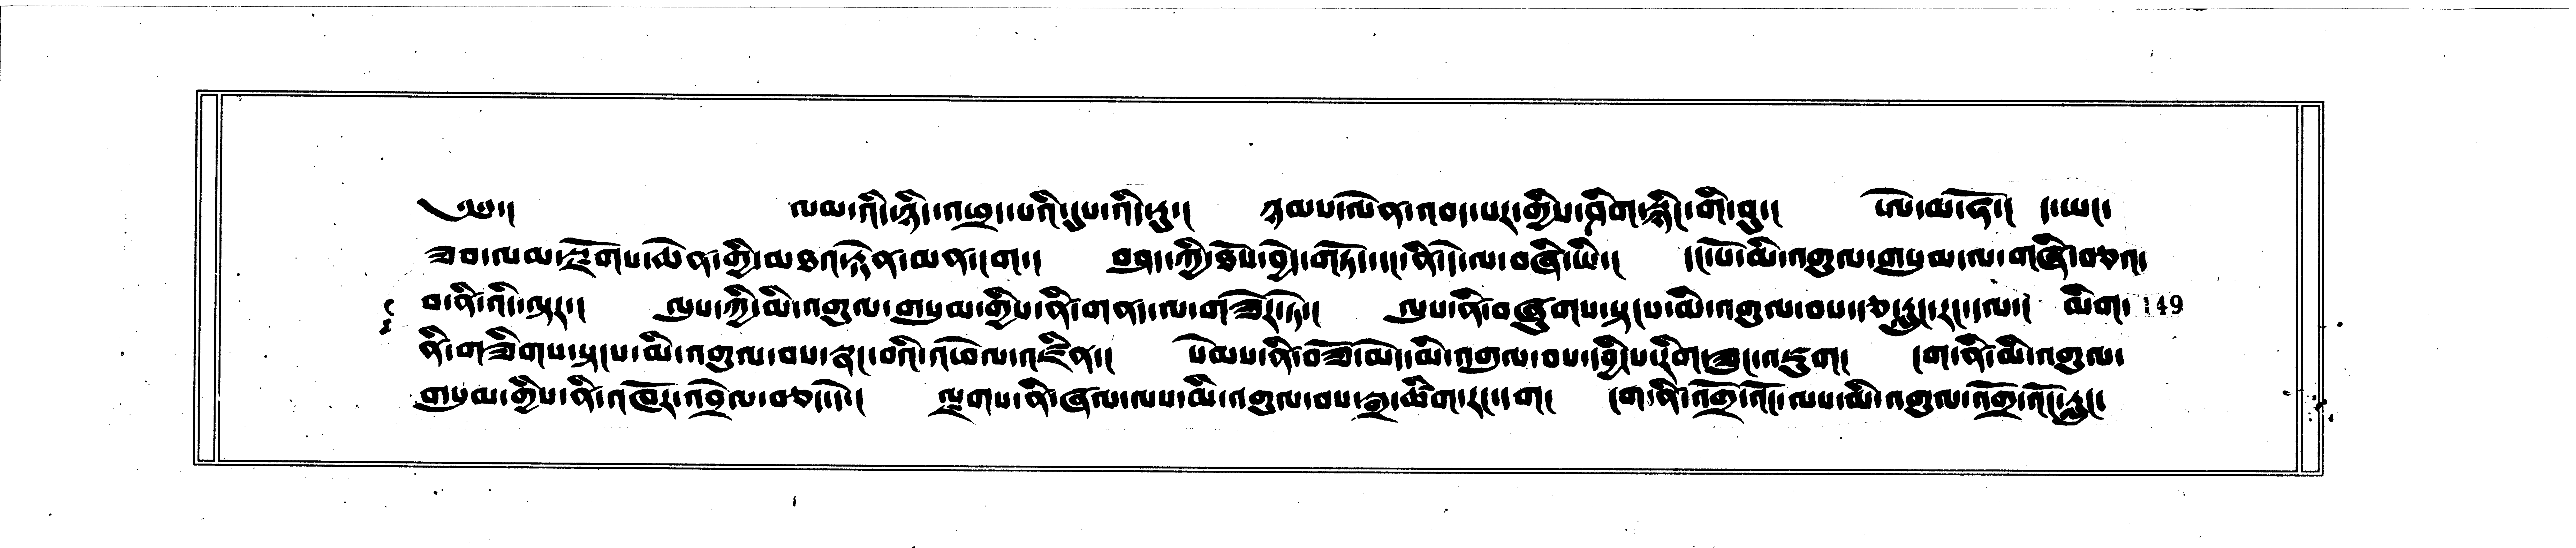ལམ་འདི་ཉིད་འཕྲད་པའི་དུས་འདི་རུ། །ཉམས་ལེན་འབད་པར་གྱིས་ཤིག་སྙིང་གི་བུ། །ཨེ་མ་ཧོ། ད་ཡང་
ཟབ་རྫོགས་ཆེན་གྱི་མཐའ་རྟེན་མན་ངག །བཤད་ཀྱི་ཐོས་བྱེད་གཏོད་དང་ནི་དེ་ལ་བཞི་ཡི། །དང་པོ་མི་འགུལ་གསུམ་ལ་གཞི་བཅའ་
བ་ནི་འདི་ལྟར། །ལུས་ཀྱིས་མི་འགུལ་གསུམ་གྱིས་ནི་གནད་ལ་གཟེར་ཏེ། །ལུས་ནི་བཞུགས་སྟངས་མི་འགུལ་བས་རྩ་རླུང་རང་དལ། །མིག་
ནི་གཟིགས་སྟངས་མི་འགུལ་བས་སྣང་བའི་འཕེལ་འཛིན། །སེམས་ནི་བཟོ་མེད་མི་འགུལ་བས་དབྱིངས་རིག་ཟུང་འཇུག །ངག་ནི་མི་འགུལ་
གསུམ་གྱིས་ནི་འཁོར་འབྲེལ་བཅད་དེ། །ལྗགས་ནི་ཞལ་ལས་མི་འགུལ་བས་སྒྲ་ཚིག་རང་དག །ངག་ནི་འགྲོ་འོང་ལས་མི་འགུལ་འོང་རླུང་